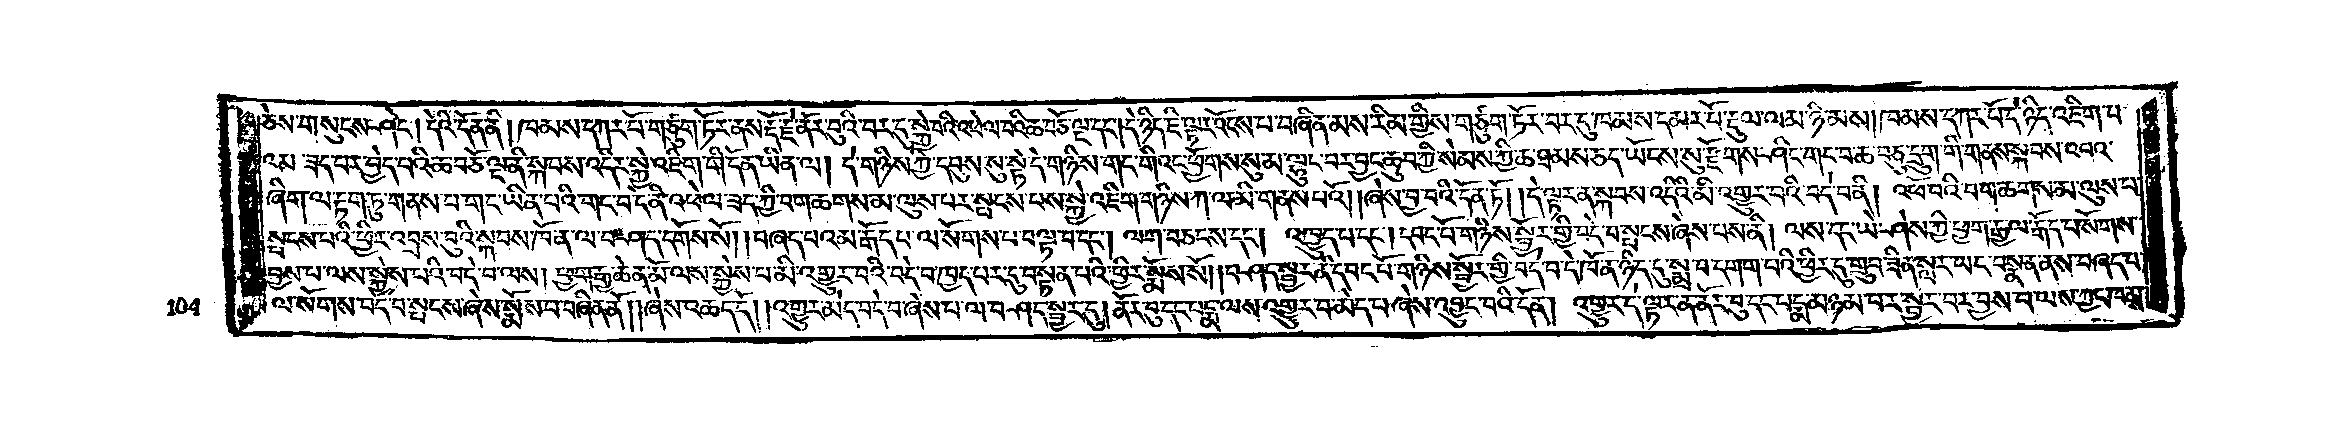ཅེས་གསུངས་ཤིང་། དེའི་དོན་ནི། ཁམས་དཀར་པོ་གཙུག་ཏོར་ནས་རྡོ་རྗེ་ནོར་བུའི་བར་དུ་སྐྱེ་བའི་འཕེལ་བའི་ཆ་བཅོ་ལྔ་དང་། དེ་ཉིད་ཇི་ལྟར་འོངས་པ་བཞིན་མས་རིམ་གྱིས་གཙུག་ཏོར་བར་དུ་ཁམས་དམར་པོ་རྡུལ་ལམ་ཉི་མས། ཁམས་དཀར་པོ་དེ་ཉིད་འཇིག་པ་
འམ་ཟད་པར་བྱེད་པའི་ཆ་བཅོ་ལྔ་ནི་སྐབས་འདིར་སྐྱེ་འཇིག་གི་དོན་ཡིན་ལ། དེ་གཉིས་ཀྱི་དབུས་སུ་སྟེ་དེ་གཉིས་གང་གིའང་ཕྱོགས་སུ་མ་ལྷུང་བར་བྱང་ཆུབ་ཀྱི་སེམས་ཀྱི་ཆ་ཐམས་ཅད་ཡོངས་སུ་རྫོགས་ཤིང་གང་བ་ཆ་བཅུ་དྲུག་གི་གནས་སྐབས་འབའ་
ཞིག་ལ་རྟག་ཏུ་གནས་པ་གང་ཡིན་པའི་གང་བ་དེ་ནི་འཕེལ་ཟད་ཀྱི་བག་ཆགས་མ་ལུས་པར་སྤངས་པས་སྐྱེ་འཇིག་གཉིས་ཀ་ལ་མི་གནས་པའོ། །ཞེས་བྱ་བའི་དོན་ཏོ། །དེ་ལྟར་ན་སྐབས་འདིའི་མི་འགྱུར་བའི་བདེ་བ་ནི། འཕོ་བའི་བག་ཆགས་མ་ལུས་པ་
སྤངས་པའི་ཕྱིར་འབྲས་བུའི་སྐབས་ཁོ་ན་ལ་བཤད་དགོས་སོ། །བཞད་པའམ་རྒོད་པ་ལ་སོགས་པ་བལྟ་བ་དང་། ལག་བཅངས་དང་། འཁྱུད་པ་དང་། དབང་པོ་གཉིས་སྦྱོར་གྱི་བདེ་བ་སྤངས་ཞེས་པས་ནི། ལས་དང་ཡེ་ཤེས་ཀྱི་ཕྱག་རྒྱ་ལ་རྒོད་པ་སོགས་
བྱས་པ་ལས་སྐྱེས་པའི་བདེ་བ་ལས། ཕྱག་རྒྱ་ཆེན་མོ་ལས་སྐྱེས་པ་མི་འགྱུར་བའི་བདེ་བ་ཁྱད་པར་དུ་བསྟན་པའི་ཕྱིར་སྨོས་སོ། །བཤད་སྦྱར་ནི་དབང་པོ་གཉིས་སྦྱོར་གྱི་བདེ་བ་དེ་ཁོ་ན་ཉིད་དུ་སྨྲ་བ་དགག་པའི་ཕྱིར་དུ་གྲུབ་ཟིན་སླར་ཡང་བསྣན་ནས་བཞད་པ་
ལ་སོགས་བདེ་བ་སྤངས་ཞེས་སྨོས་པ་བཞིན་ནོ། །ཞེས་འཆད་དོ། །འགྱུར་མེད་བདེ་བ་ཞེས་པ་ལ་བཤད་སྦྱར་དུ། ནོར་བུ་དང་པདམ་ལས་འགྱུར་བ་མེད་པ་ཞེས་འབྱུང་བའི་དོན། འགྱུར་དེ་ལྟར་ན་ནོར་བུ་དང་པདམ་མཉམ་པར་སྦྱར་བར་བྱས་པ་ལས་ཀྱང་ཁམས་